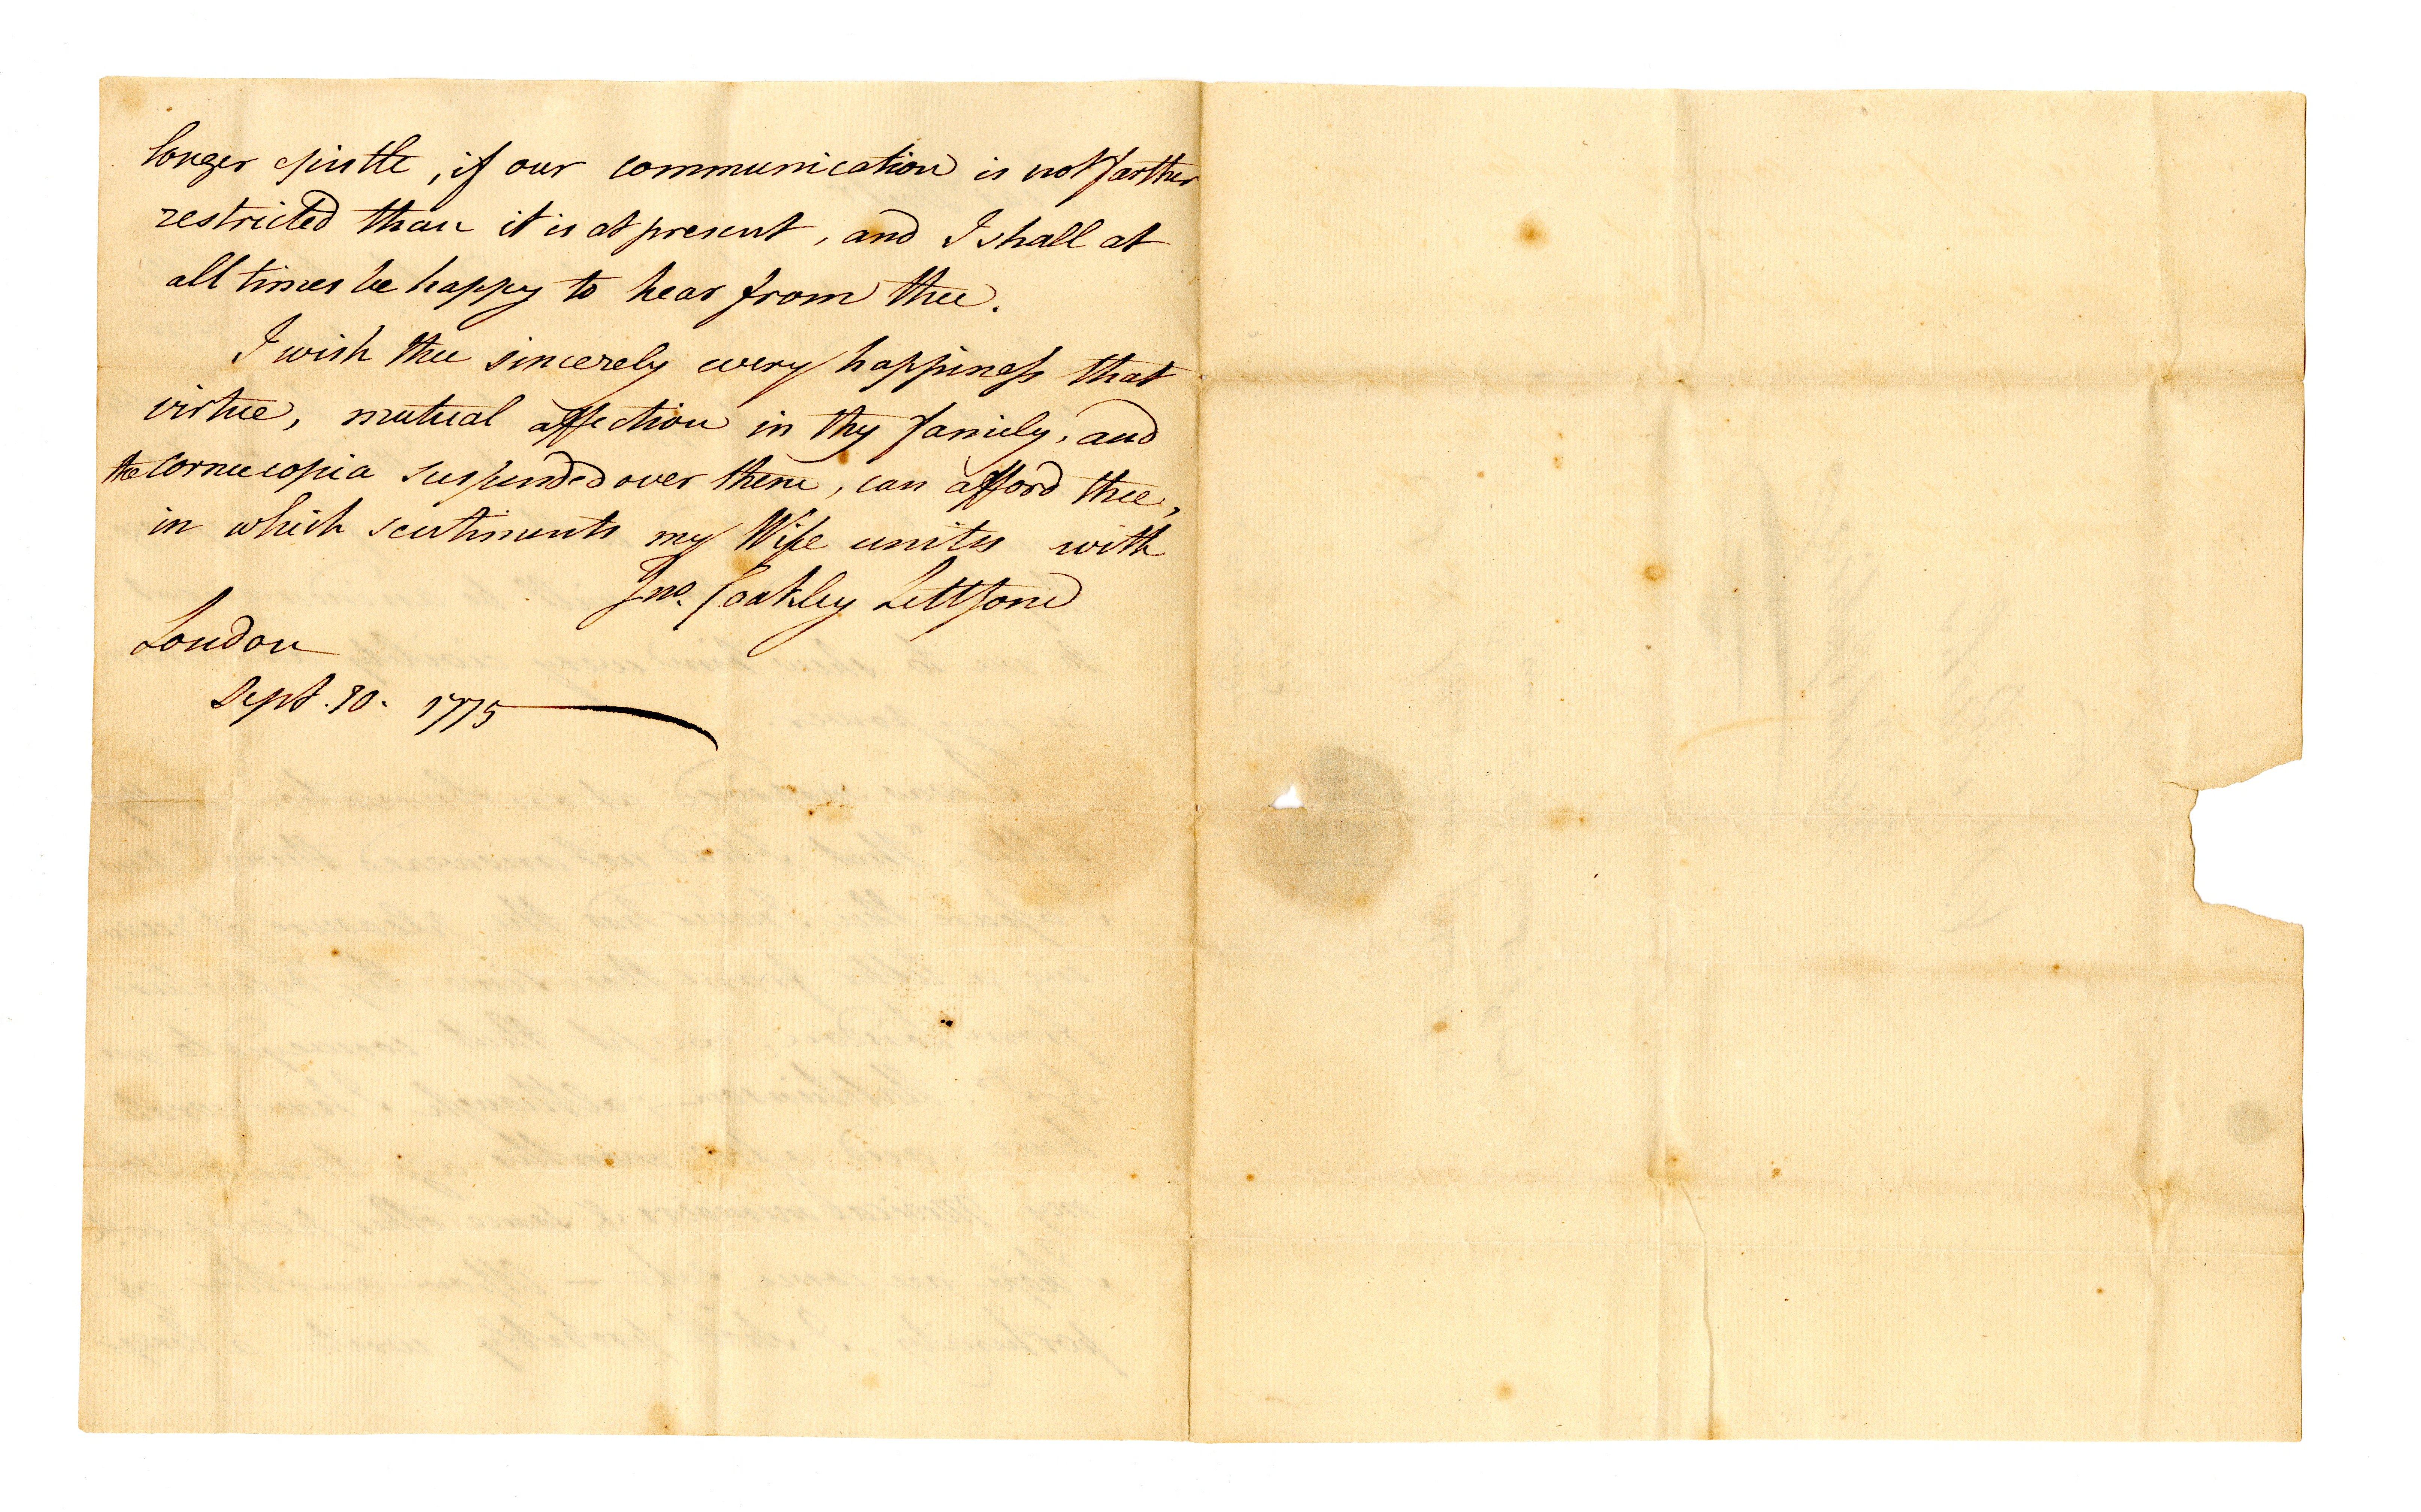longer epistle, if our communication is not farther
restricted than it is at present, and I shall at
all times be happy to hear from thee.
I wish thee sincerely every happiness that
virtue, mutual affection in thy family, and
the cornucopia suspended over them, can afford thee,
in which sentiments my Wife unites with
Jno. Coakley Lettsom
London
Sept. 10. 1775